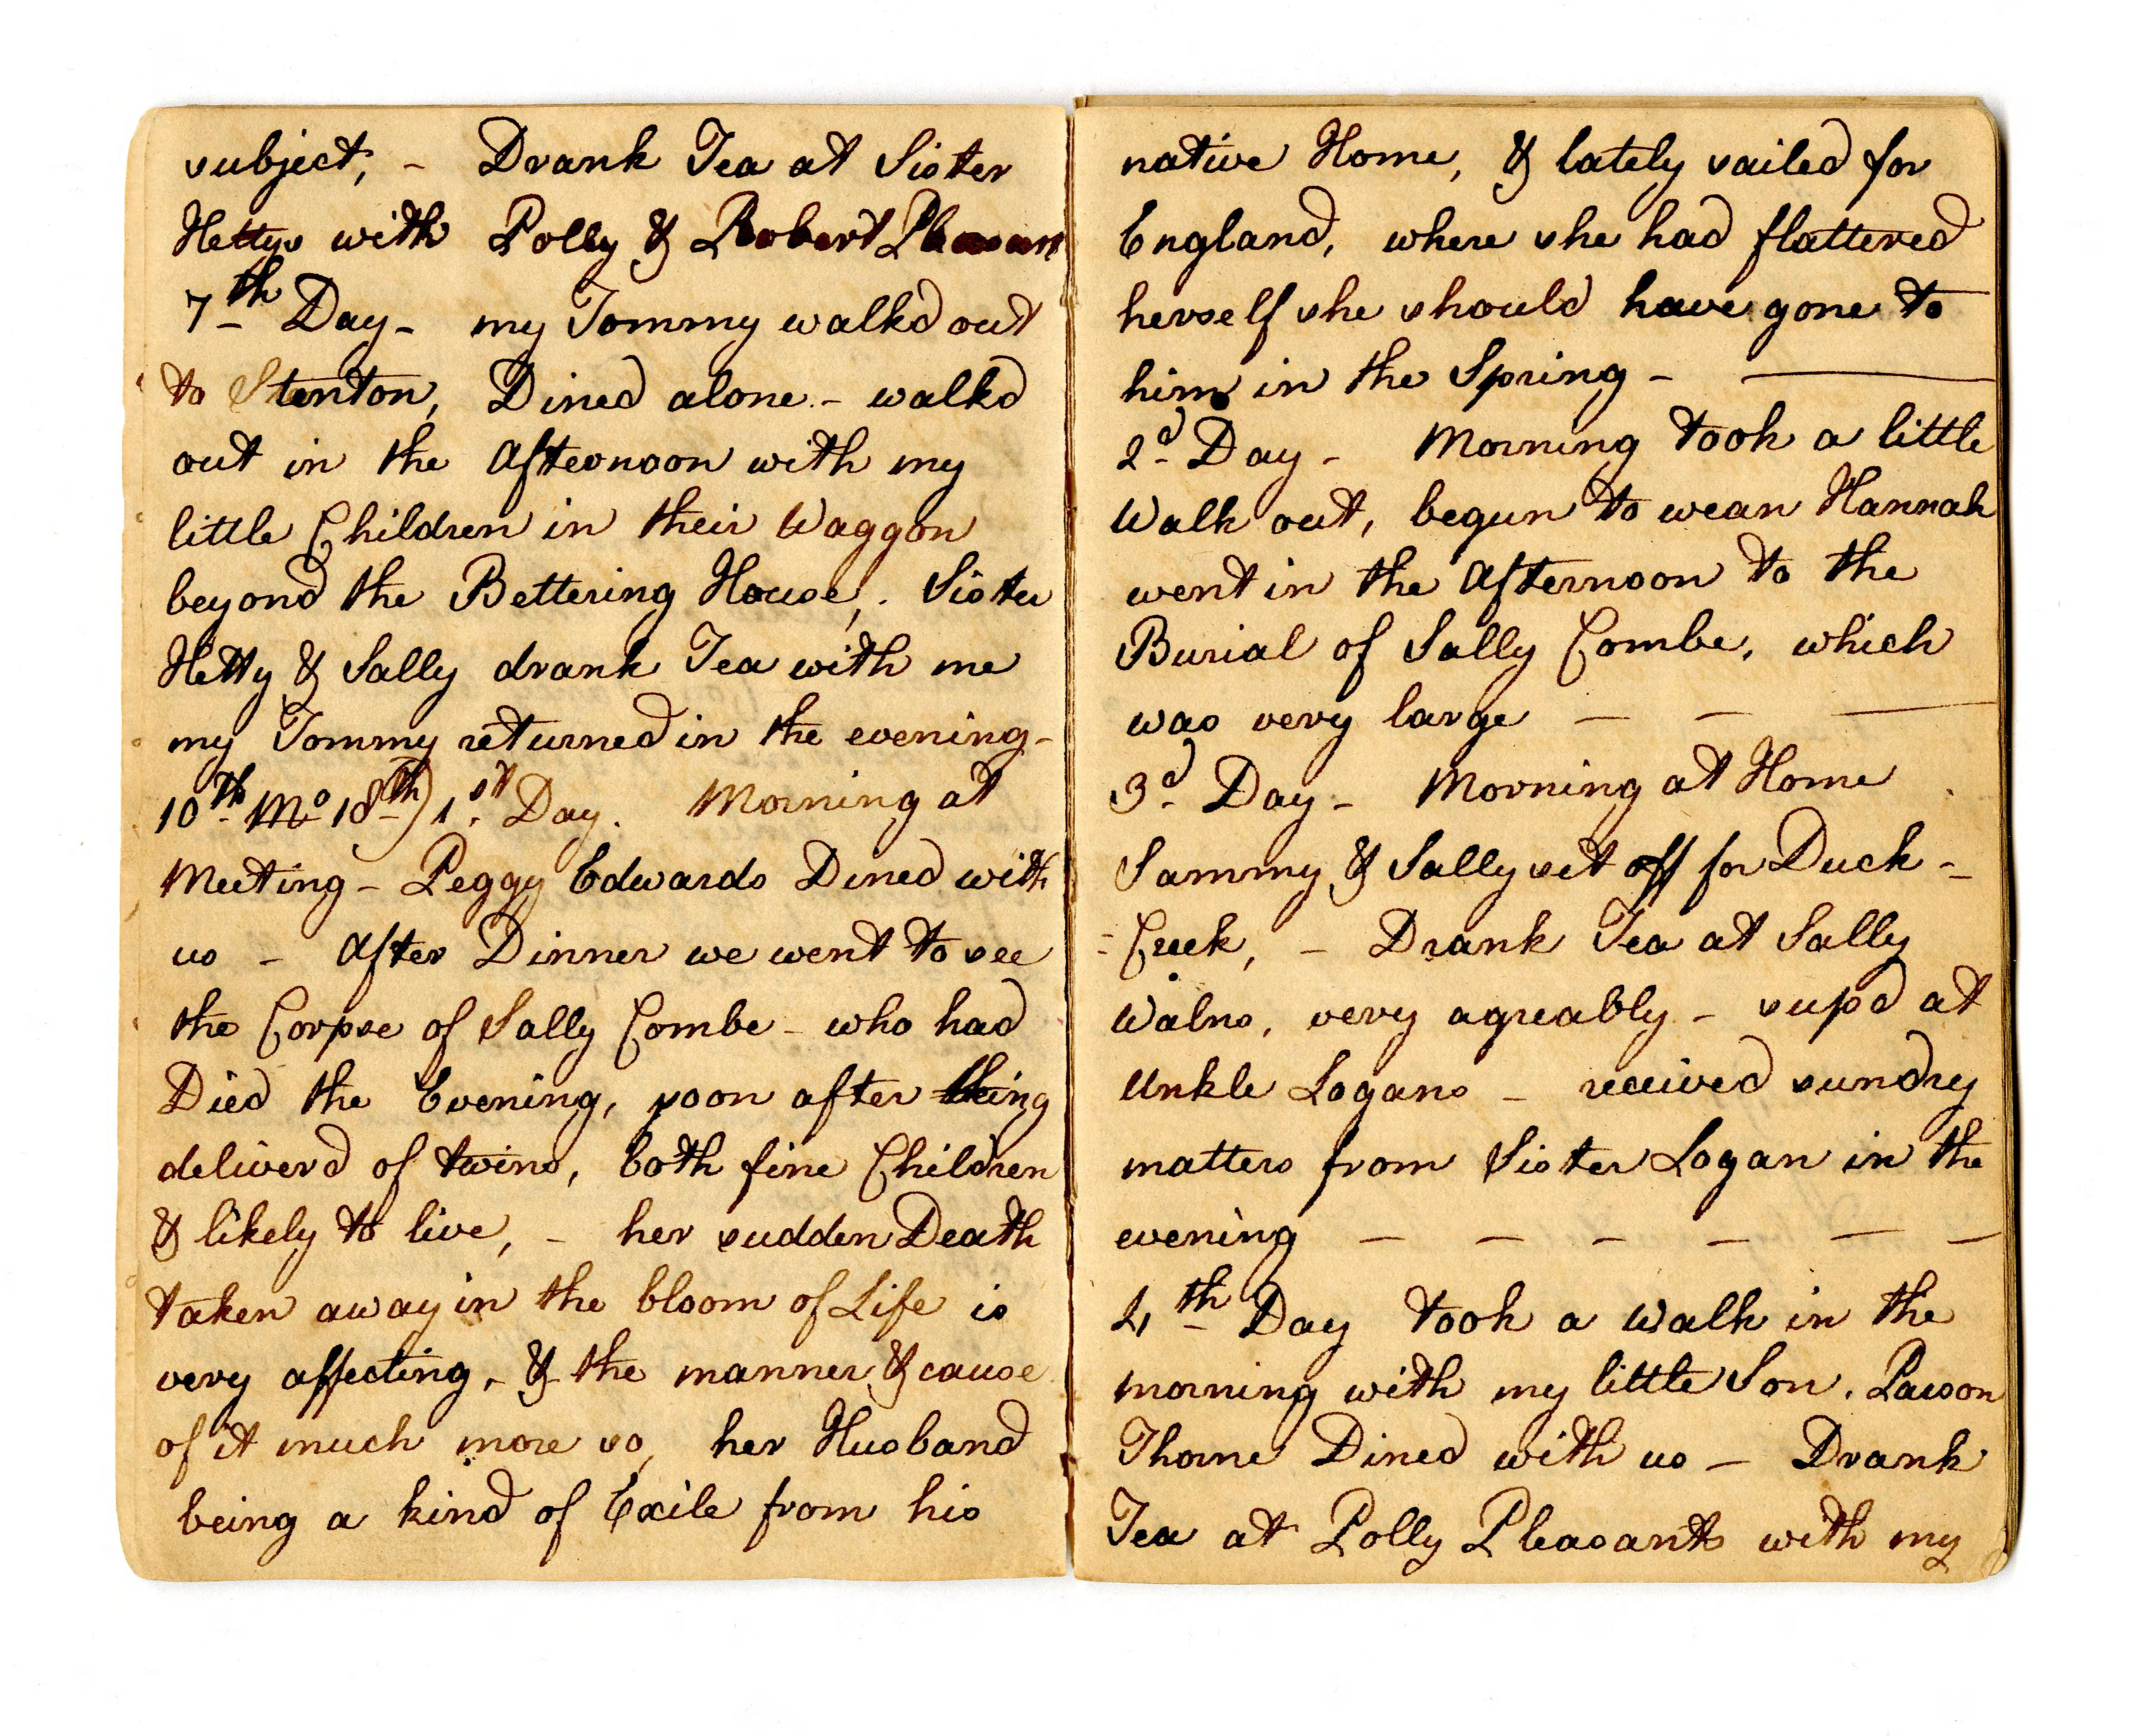subject,- Drank Tea at Sister
Hettys with Polly & Robert Pleasant
7^th Day- my Tommy walkd out
to Stenton, Dined alone.- walkd
out in the Afternoon with my
little Children in their Waggon
beyond the Bettering House,- Sister
Hetty & Sally drank Tea with me
my Tommy returned in the evening-
10^th M^o 10^th) 1^st. Day . Morning at
Meeting- Peggy Edwards Dined with
us- After Dinner we went to see
the Corpse of Sally Combe- who had
Died the Evening, soon after [_]being
deliverd of twins, both fine Children
& likely to live,- her sudden Death
taken away in the bloom of Life is
very affecting, & the manner, & cause
of it much more so, her Husband
being a kind of Exile from his
native Home, & lately sailed for
England, where she had flattered
herself she should have gone to
him, in the Spring--
2^d Day- Morning took a little
Walk out, begun to wean Hannah
event in the Afternoon to the
Burial of Sally Combe, which
was very large-
3^d. Day- Morning at Home
Sammy & Sally set off for Duck-
-Creek, - Drank Tea at Sally
Walns, very agreably- supd at
Unkle Logans received sundry
matters from Sister Logan in the
evening-
4^th Day took a walk in the
morning with my little Son. Parson
Thorne Dined with us- Drank
Tea at Polly Pleasants with my